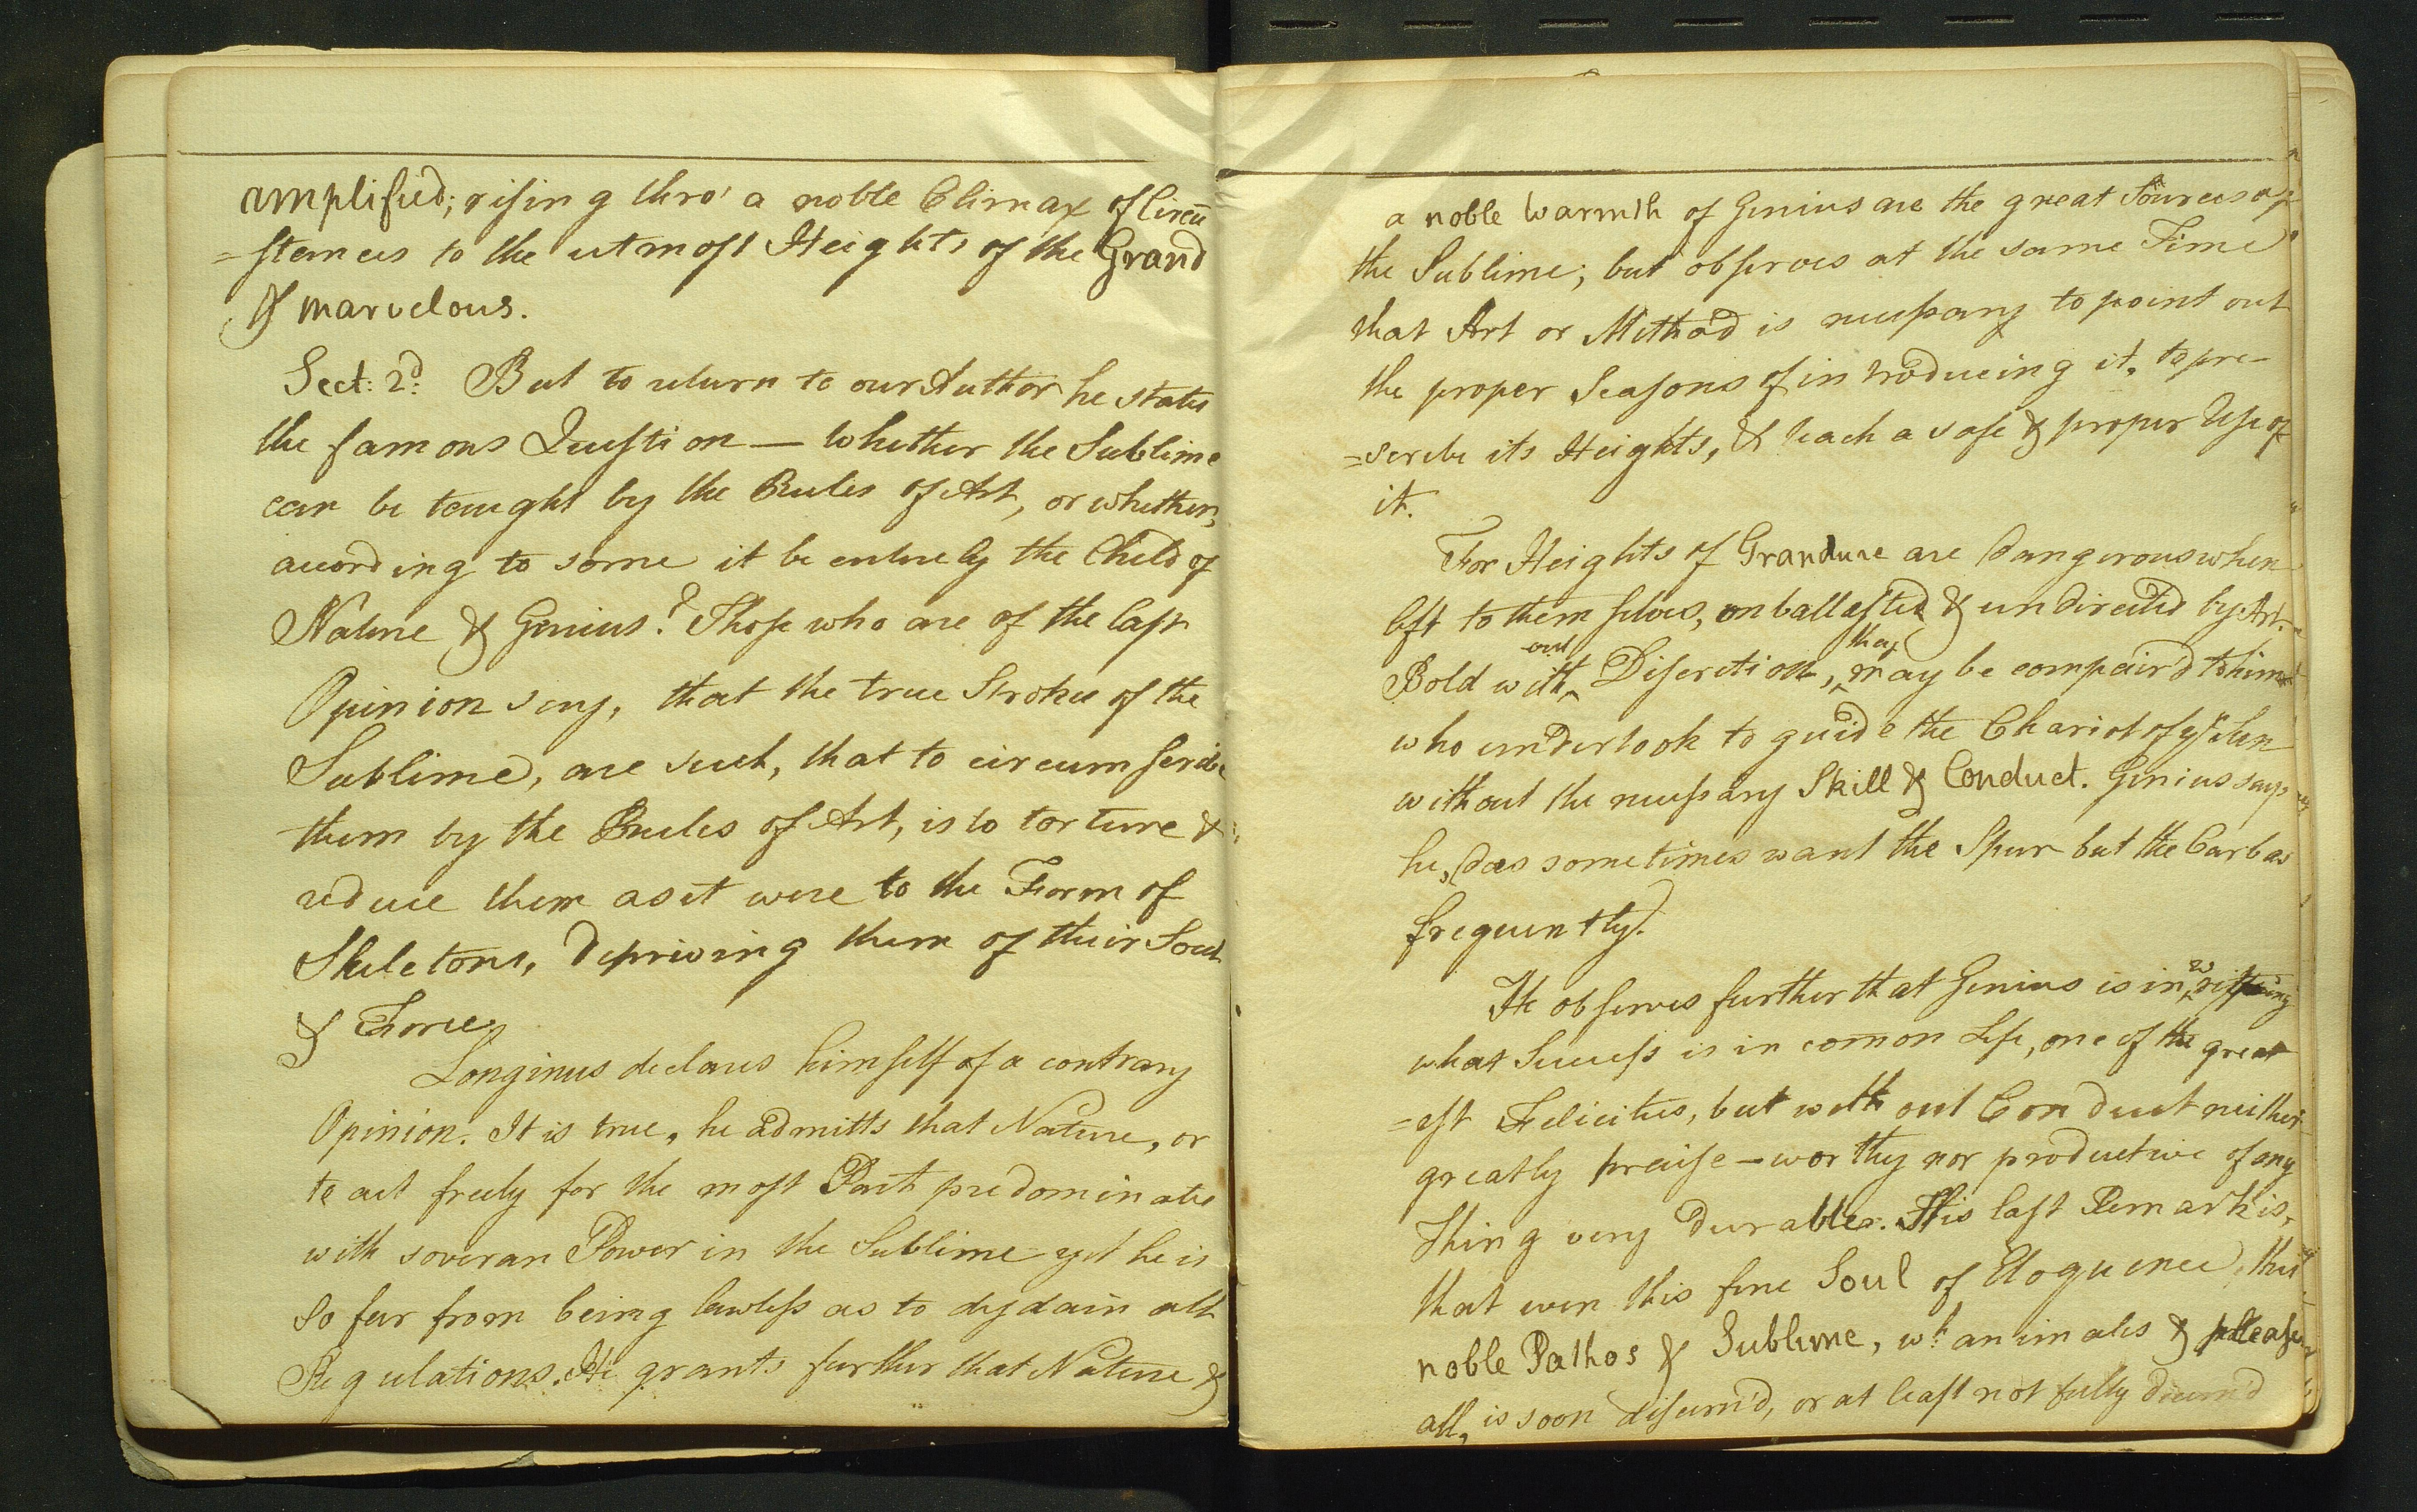amplified; rising thro' a noble Climax of Circū
-stances to the utmost Heights of the Grand
& marvelous.
Sect: 2^d: But to return to our Author he states
the famous Question– whether the Sublime
can be taught by the Rules of Art, or whether,
according to some it be entirely the Child of
Nature & Genius? Those who are of the last
Opinion says, that the true Strokes of the
Sublime, are such, that to circumscribe
them by the Rules of Art, is to torture &
reduce them as it were to the Form of
Skeletons, depriving them of their Soul
& Force.
Longinus declares himself of a contrary
Opinion. It is true, he admits that Nature, or
to act freely for the most Part predominates
with soveran Power in the Sublime yet he is
so far from being lawless as to disdain all
Regulations. He grants further that Nature &
a noble warmth of Genius are the great Sources of
the Sublime; but observes at the same Time
that Art or Method is necessary to point out
the proper Seasons of introducing it, to pre-
-scribe its Heights, & teach a safe & proper Use of
it.
For Heights of Grandure are dangerous when
left to themselves, un ballasted & undirected by Art,
out
they
Bold with ^ Discretion, ^ may be compair'd to him
who undertook to guide the Chariot of y^e Sun
without the necessary Skill & Conduct. Genius says
he, does sometimes want the Spur but the Curb as
frequently.
He observes further that Genius is in ^writing
what Success is in com̄on Life, one of the great
-est Felicities, but without Conduct neither
greatly praise – worthy nor productive of any
Thing very durable. This last Remark is
that even this fine Soul of Eloquence, this
noble Pathos & Sublime, w^h animates & pleases
all, is soon disurn'd, or at least not fully dream'd.